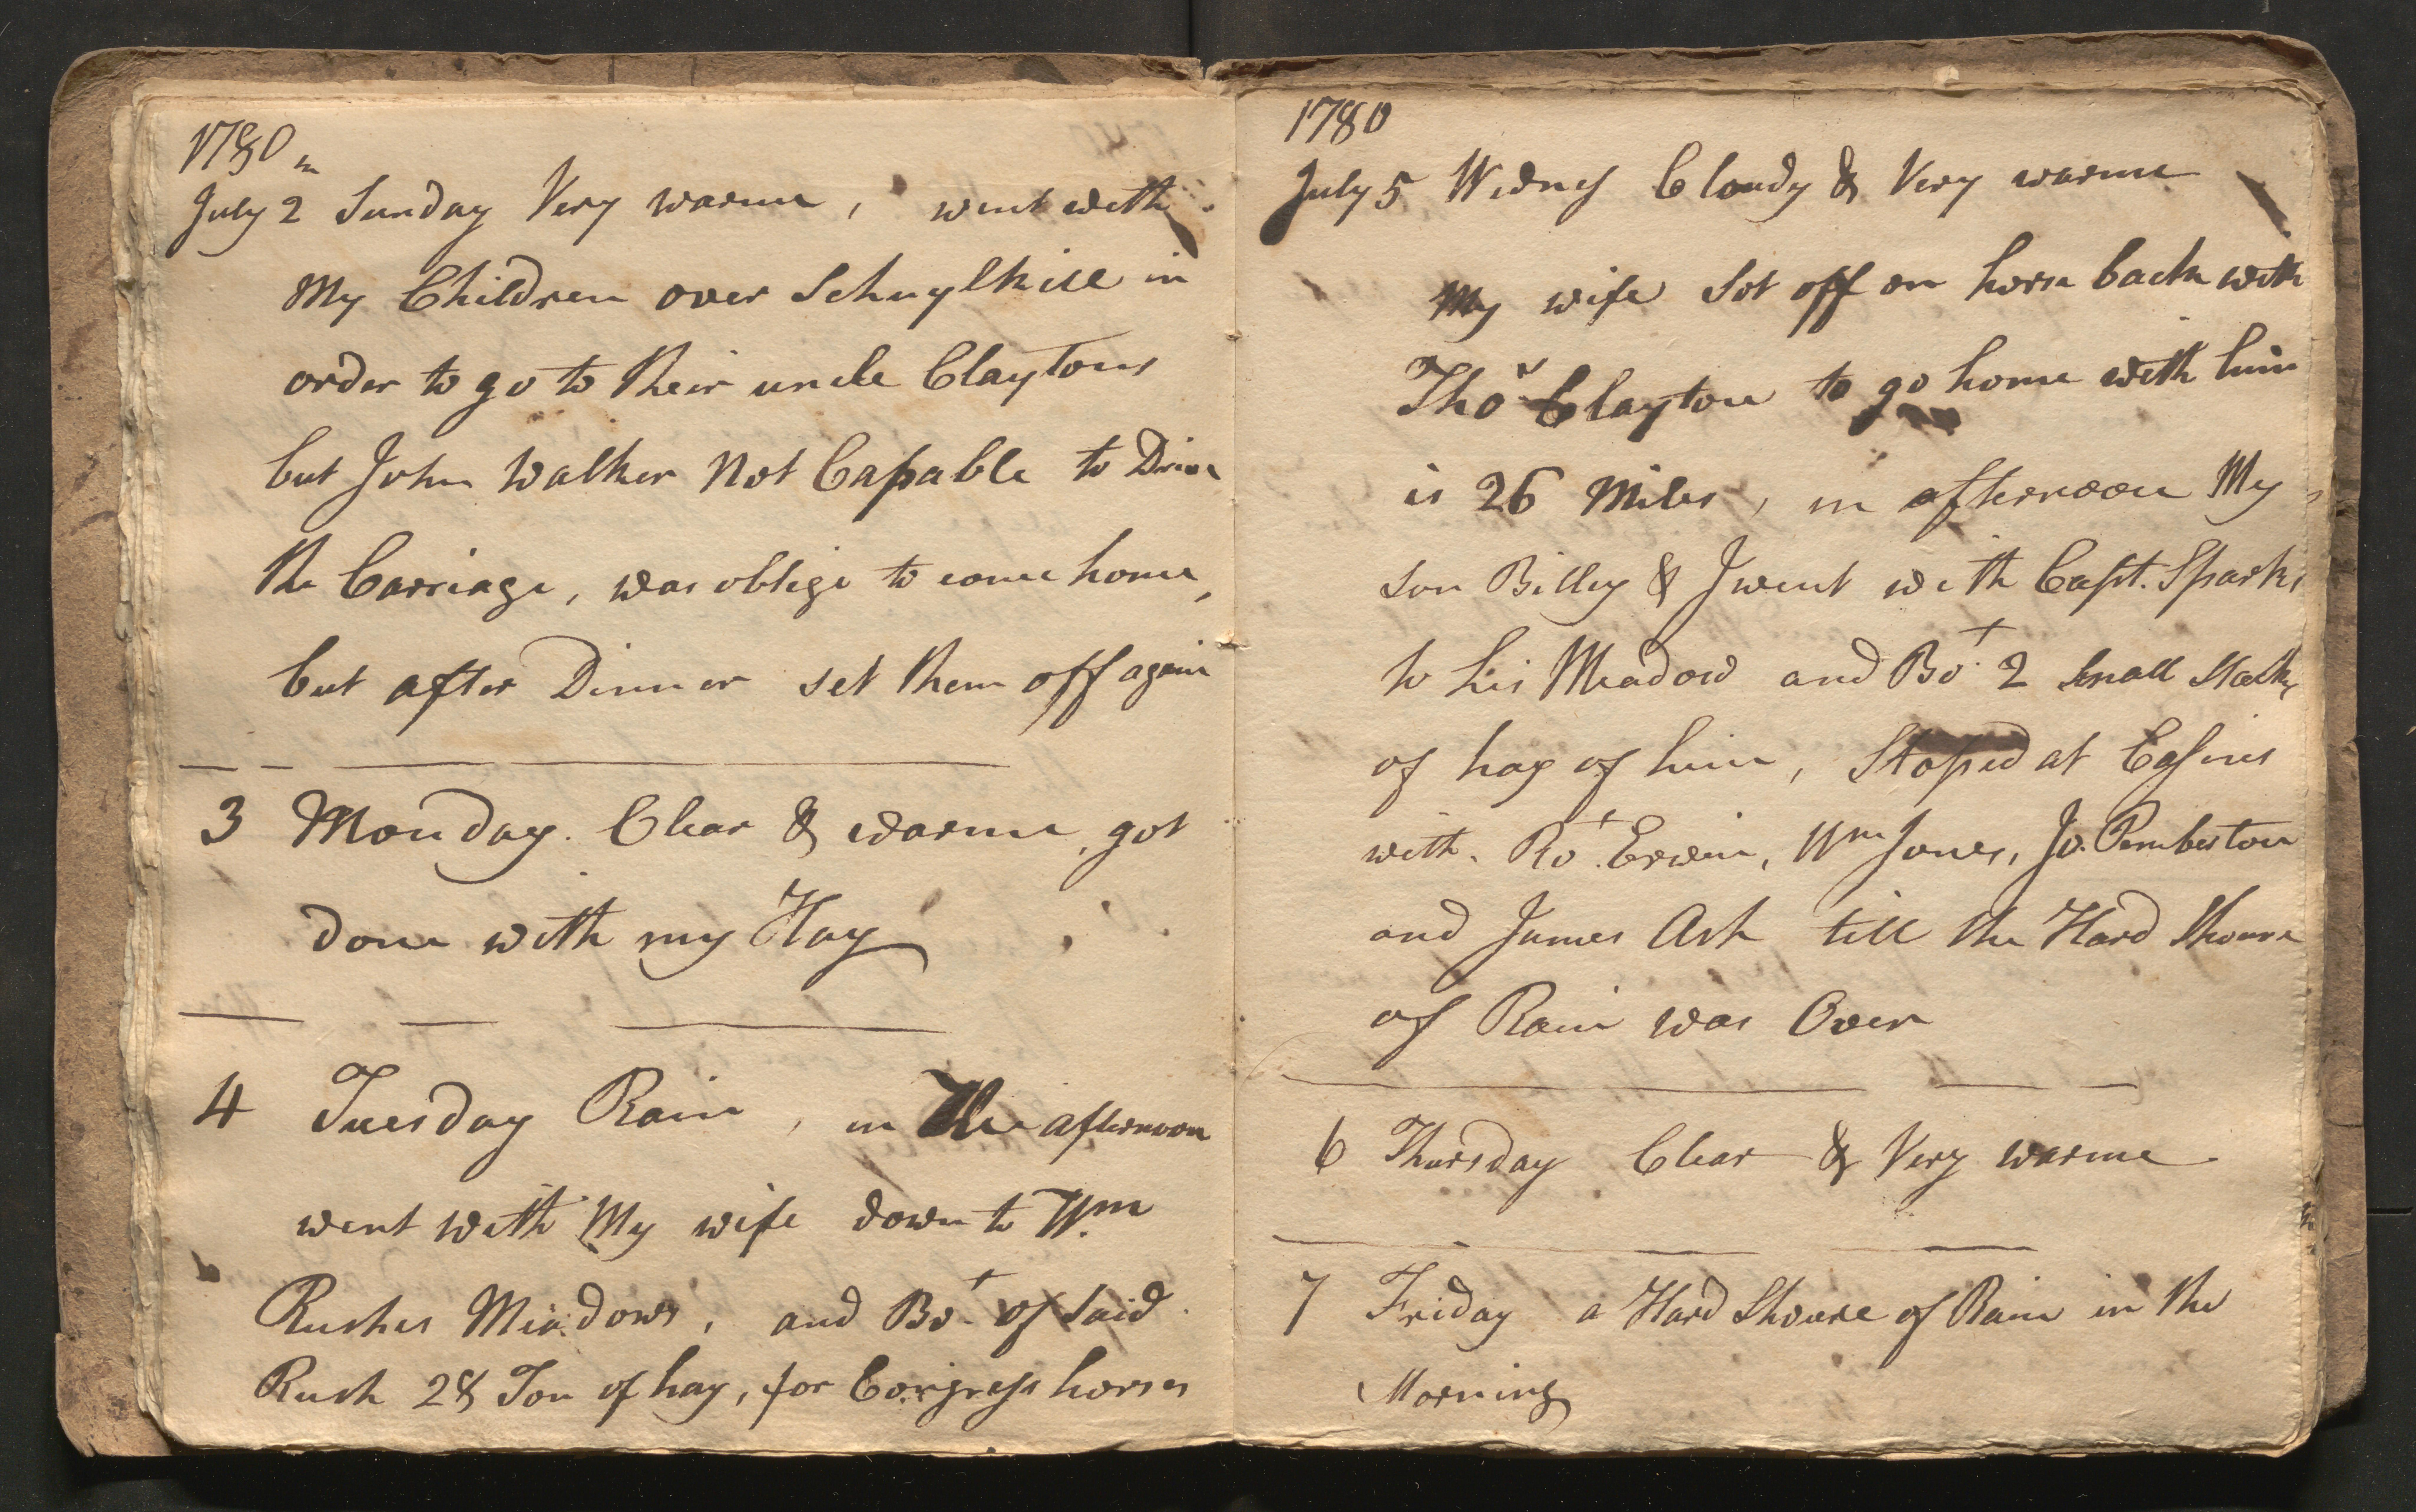1780
July 2^th Sunday Very warme, went with
My Children over Schuylkill in
order to go to their uncle, Claytons
but John Walker Not Capable to Drive
the Carriage, was oblige to come home
but after Dinner set them off again
3 Monday. Clear & warme, got
done with my Hay
4 Tuesday Rain, in the afternoon
went with My wife down to W^m.
Rushes Meadows, and Bo^t. of Said
Ruch 28 Ton of hays for Congress horses
1780
July 5 Wednes Cloudy & Very warme
My wife Set off on horse back wet
Tho Clayton to go home with him
is 26 Miles, in afternoon My
Son Billey & I went with Capt. Sparks
to his Meadow and Bo^t. 2 small Stalks
of hay of him, Stoped at Cosins
with. Ro^t. Erwin, W^m Jones Jo. Pemberton
and James Ash till the Hard Shoure
of Rain was over
6 Thursday Clear & Very warme
7 Friday a Hard Shoure of Rain in the
Morning